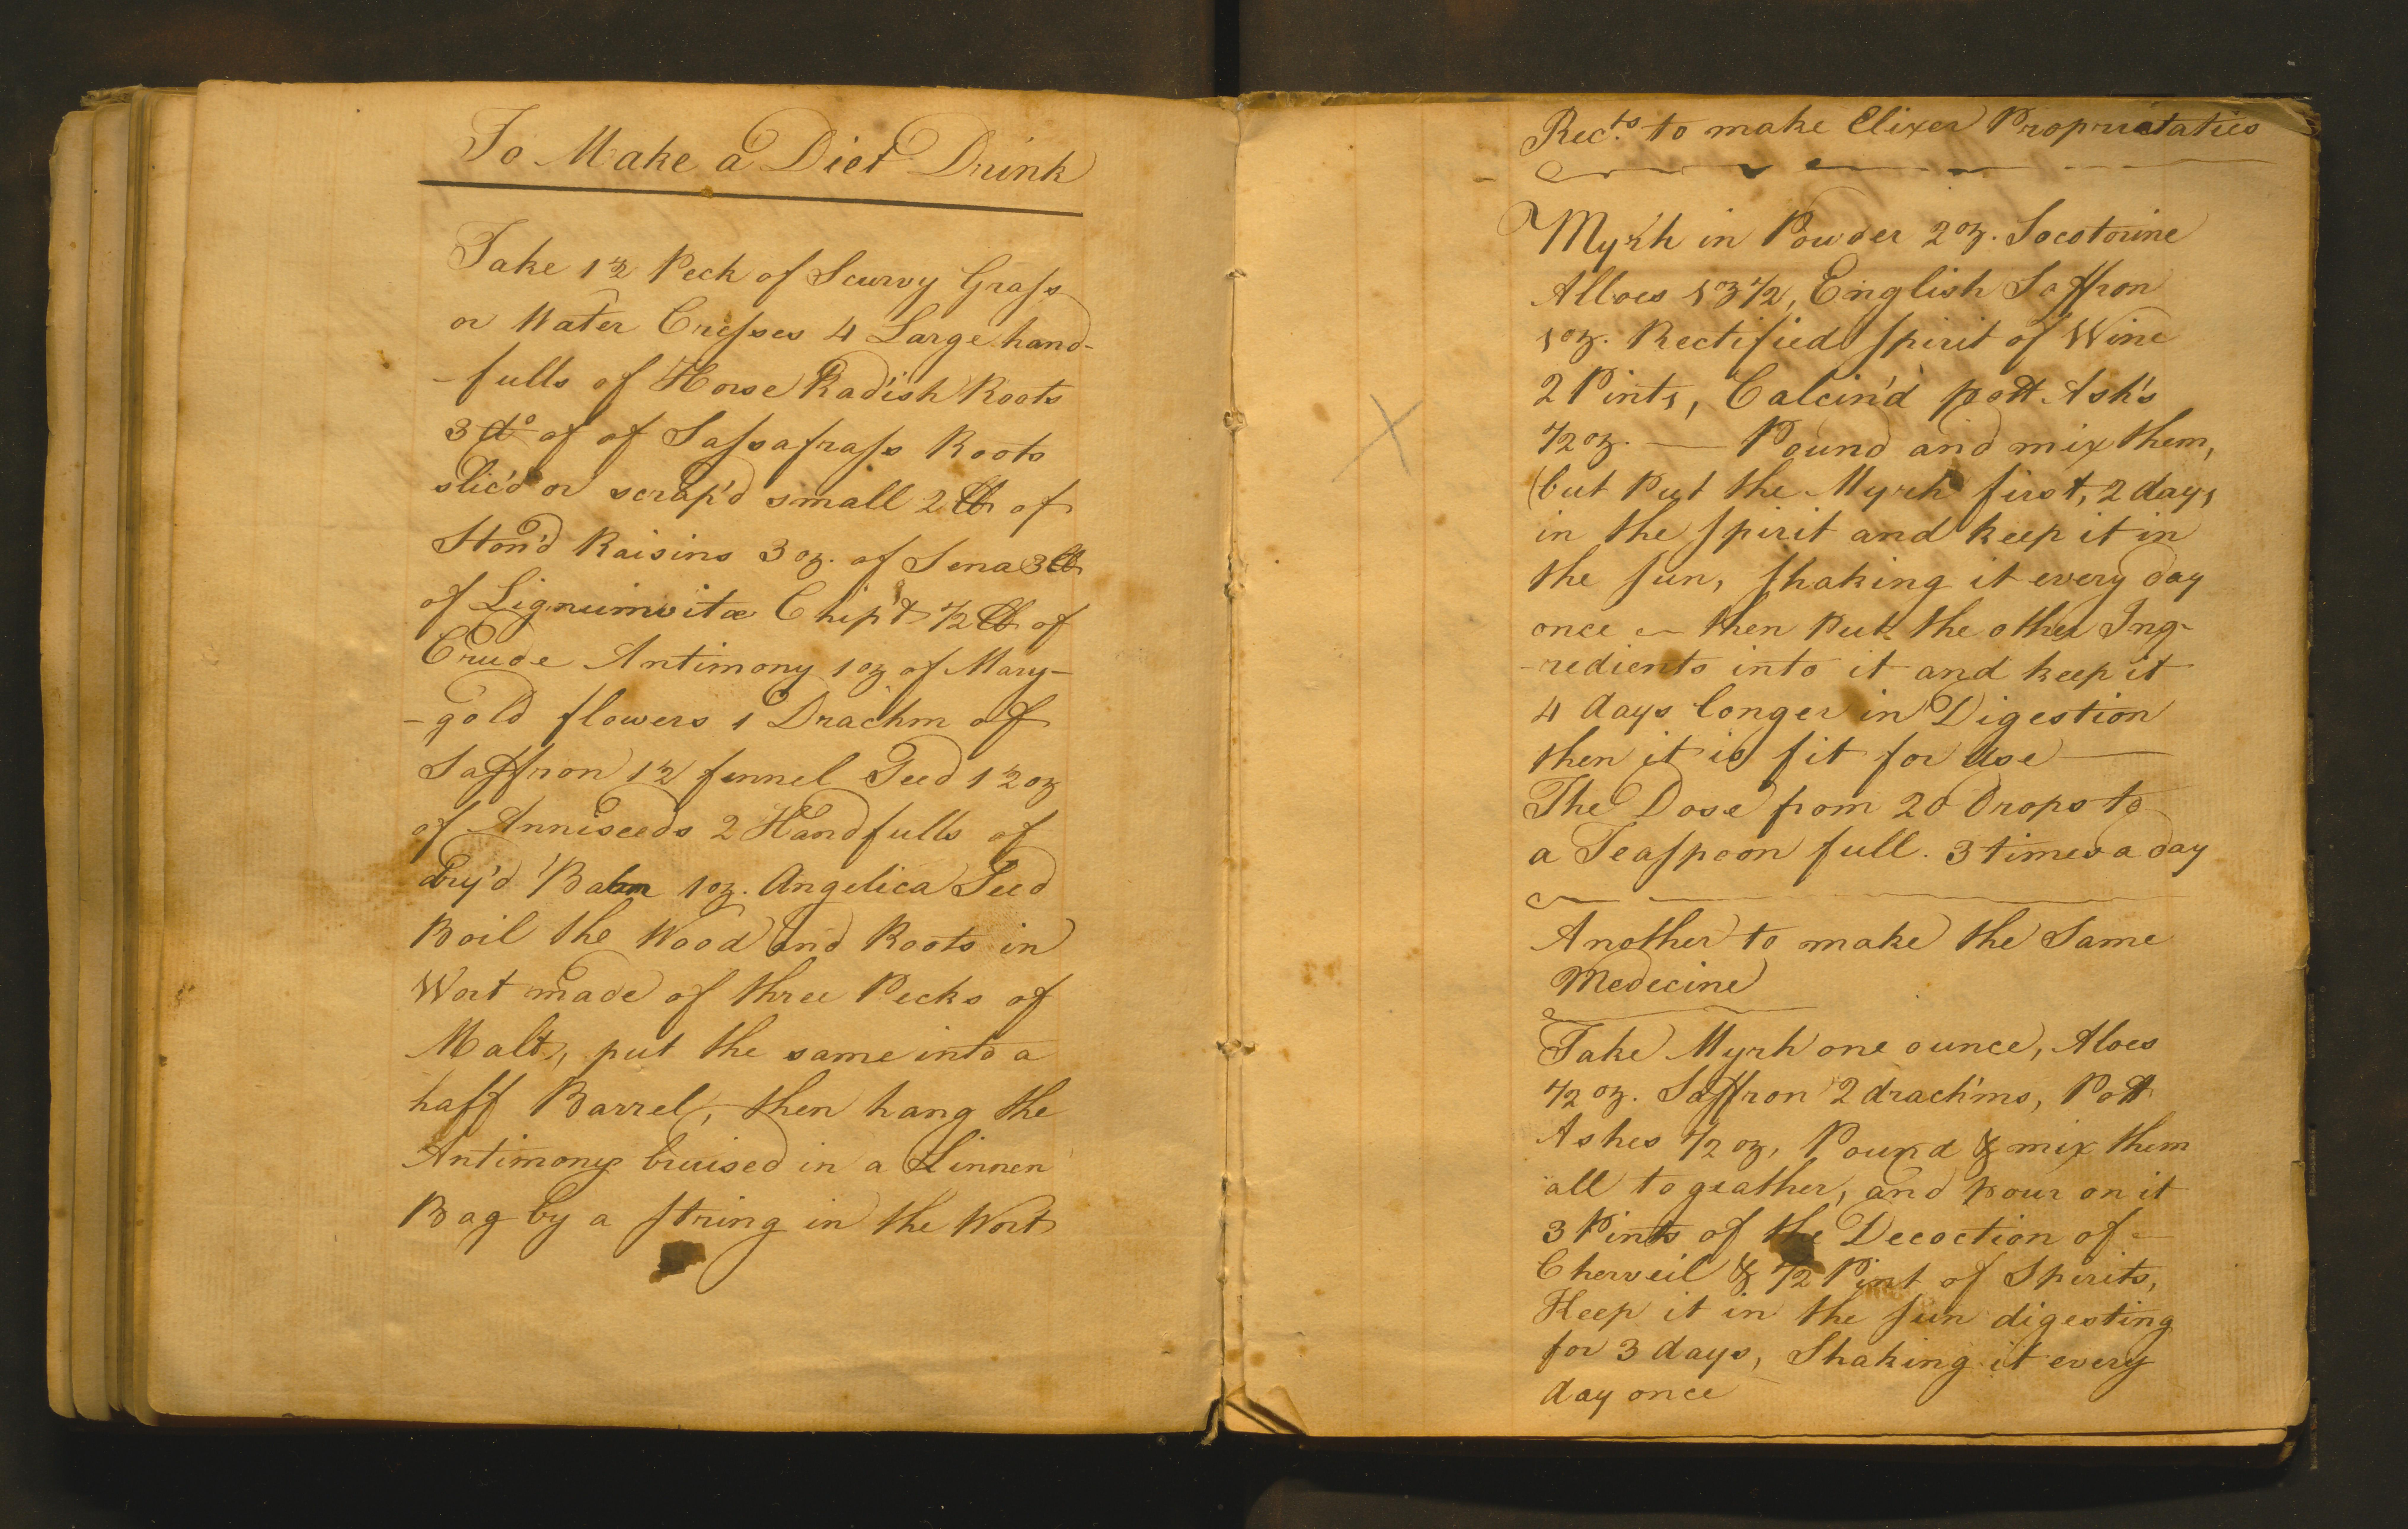To Make a Diet Drink
Take 1 1/2 peck of Scurvy Grass
or Water Cresses 4 Large hand-
-fulls of Horse Radish Roots
3 d^o of of Sassafrass Roots
slic'd or scrap'd small 2 lb of
Ston'd Raisins 3 oz. of Sena 3 lb
of Lignumvitae Chip & 1/2 lb of
Crude Antimony 1 oz of Mary-
-gold flowers 1 Drachm of
Safron 1 1/2 fennel seed 1 1/2 oz
of Anniseeds 2 Handfulls of
dry'd Balm 1 oz. Angelica Seed
Boil the Wood and Roots in
Wort made of three Pecks of
Malt, put the same into a
half Barrel, then hang the
Antimony bruised in a Linnen
Bag by a string in the Wort
Rec^ts. to make Elixer Proprietatus
Myrh in Powder 2 oz. Socotorine
Alloes 1oz 1/2 English Saffron
1 oz. Rectified spirit of Wine
2 Pints, Calcin'd pott Ash's
1/2 oz.- Pound and mix them,
(but Put the Myrh first, 2 days
in the spirit and keep it in
the sun, shaking it every day
once- then put the other Ing-
-redients into it and keep it
4 days longer in Digestion
them it is fit for Use-
The Dose from 20 drops to
a Teaspoon full. 3 times a day
Another to make the same
Medecine
Take Myrh one ounce, Aloes
1/2 oz. Saffron 2 drach'ms, Pott
Ashes 1/2 oz, Pound & mix them
all together, and pour on it
3 Pints of the Decoction of
Cherveil & 1/2 Pint of Spirits,
Keep it in the sun digesting
for 3 days, Shaking it every
day once